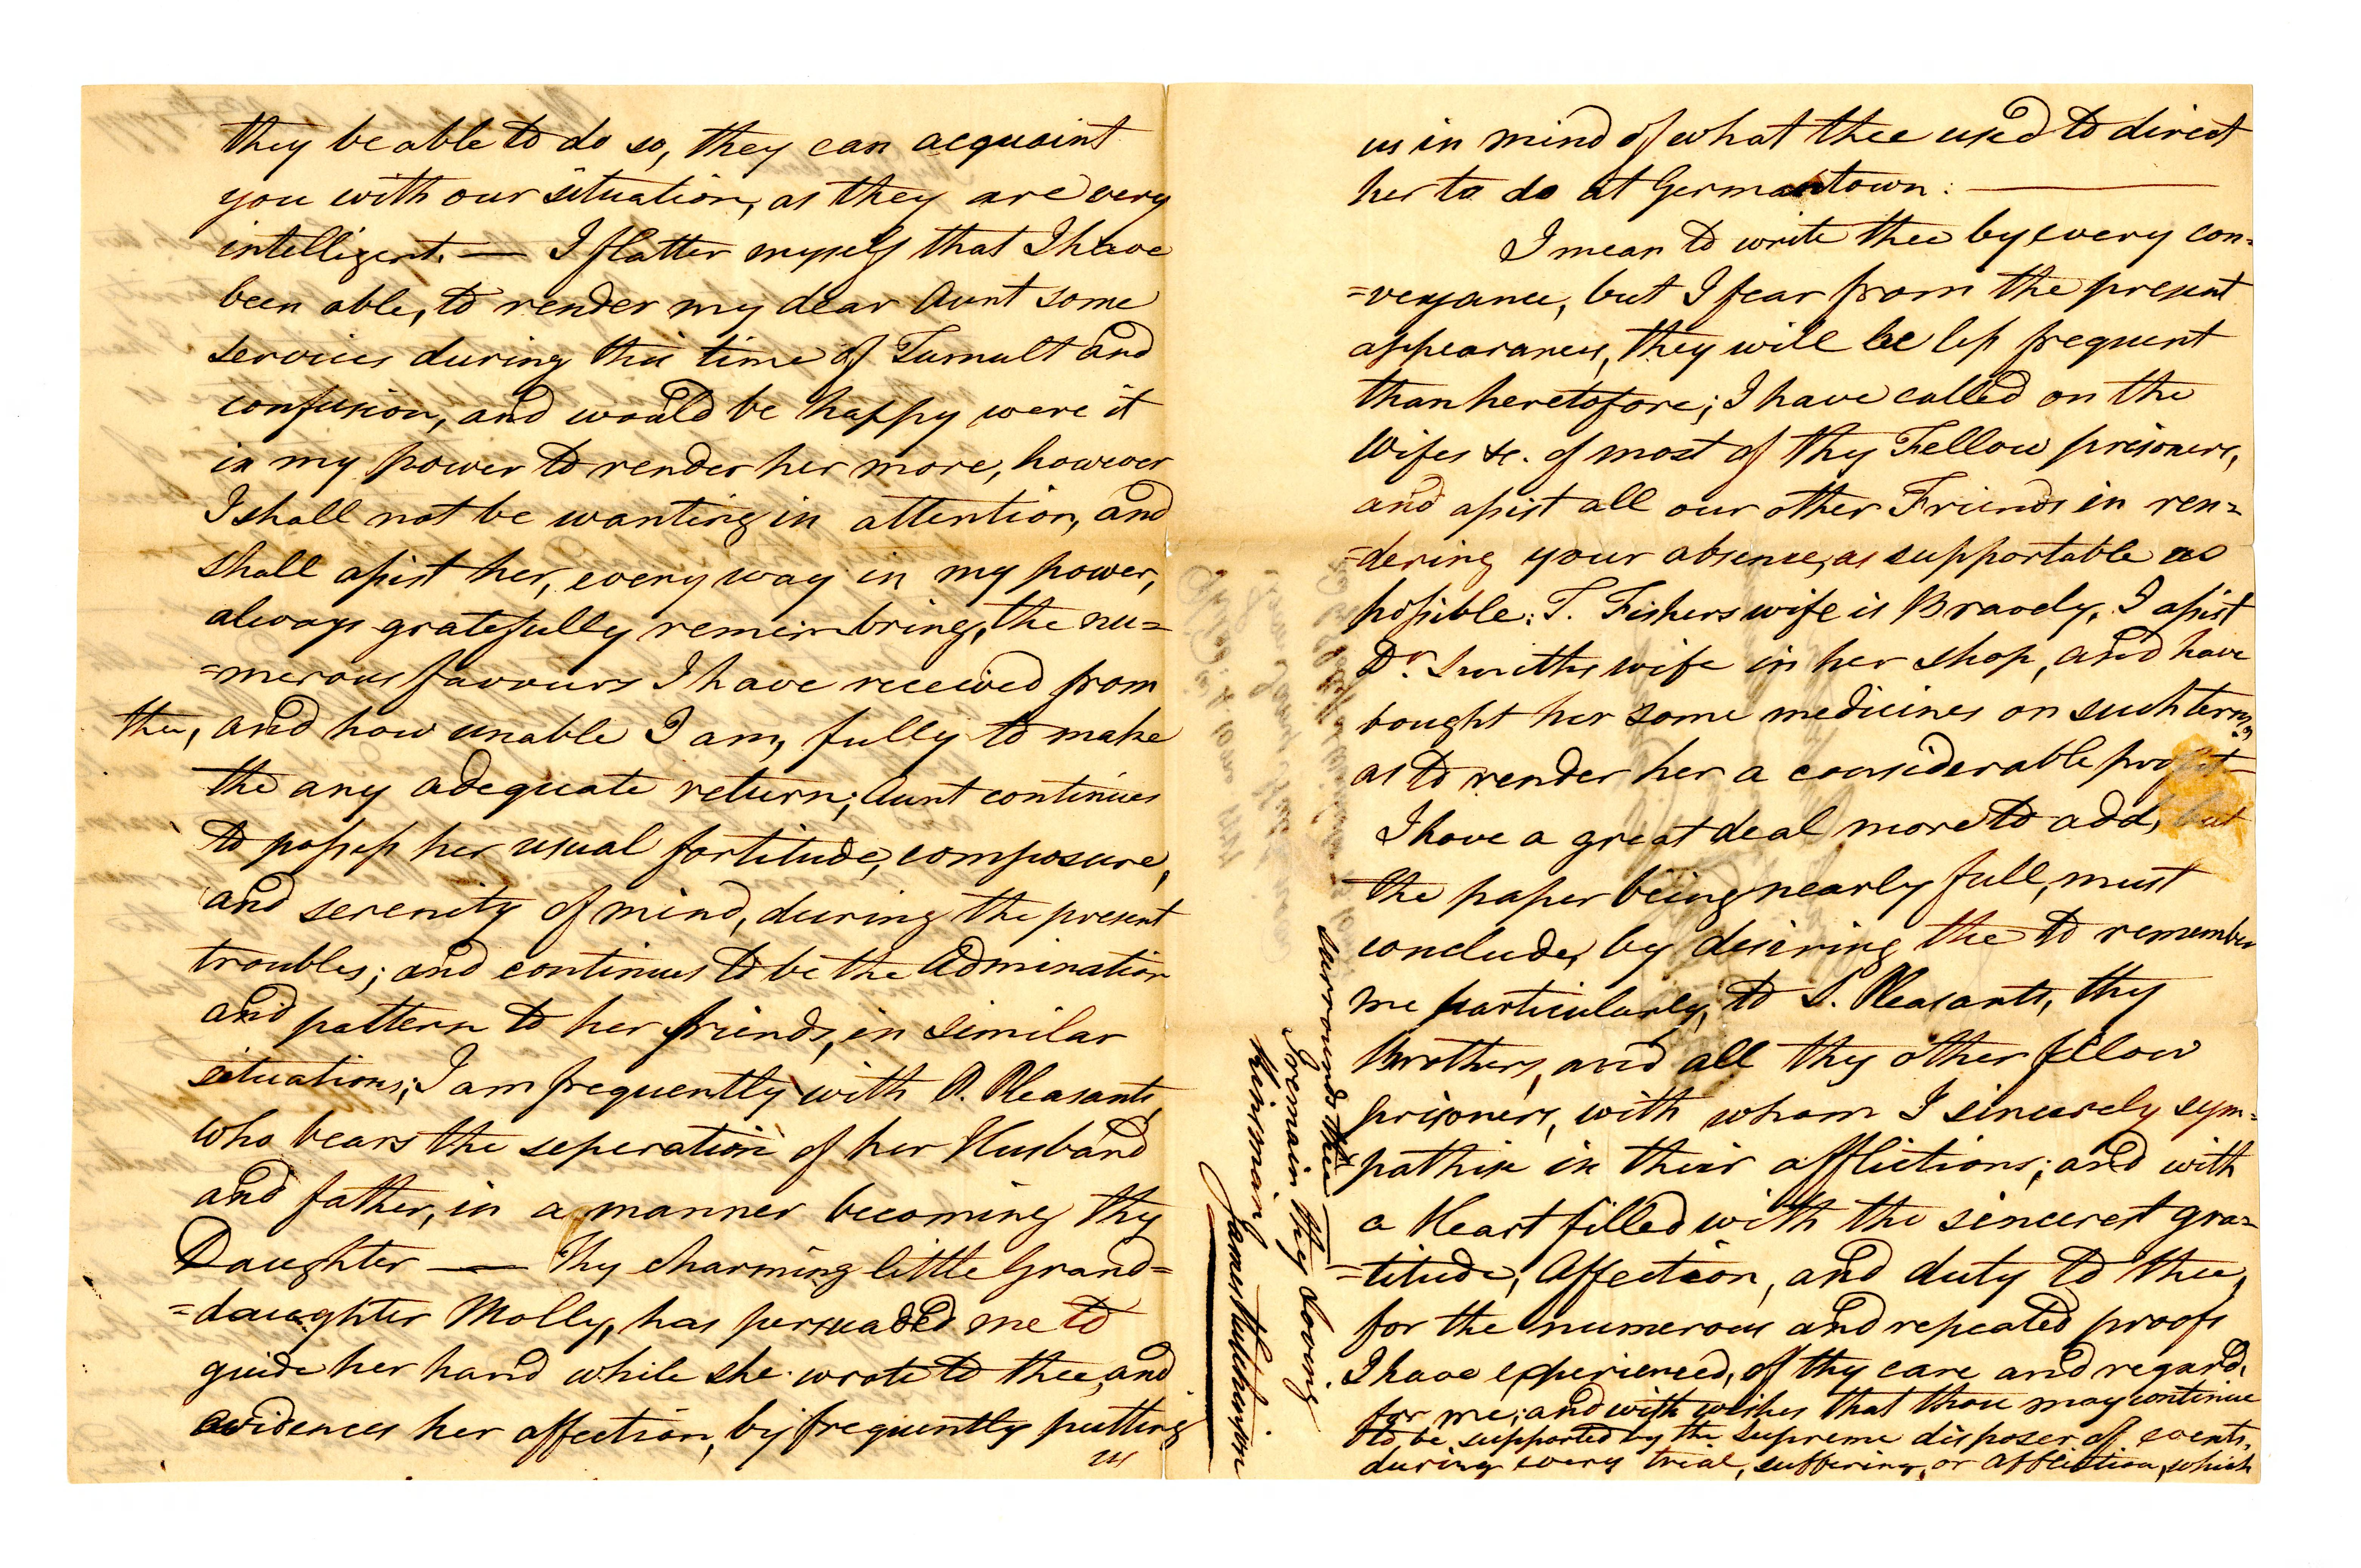they be able to do so, they can acquaint
you with our situation, as they are very
intelligent.- I flatter myself that I have
been able, to render my dear Aunt some
services during this time of Tumult and
confusion, and would be happy were it
in my power to render her more, however
I shall not be wanting in attention, and
shall assist her, every way in my power,
always gratefully remembering, the nu-
-merous favours I have received from
thee, and how unable I am, fully to make
the any adequate return; Aunt continues
to profess her usual fortitude, composure,
and serenity of mind, during the present
troubles; and continues to be the Admiration
and pattern to her friends, in similar
situations; I am frequently with P. Pleasants
who bears the seperation of her Husband
and father, in a manner becoming thy
Daughter- Thy charming little Grand-
-daughter Molly, has persuaded me to
guide her hand while she wrote to thee, and
evidences her affection, by frequently putting
us
us in mind of what thee used to direct
her to do at Germantown:-
I mean to write thee by every con-
-veyance, but I fear from the present
appearances, they will be less frequent
than heretofore; I have called on the
Wifes &c. of most of thy Fellow prisoners,
and assist all our other Friends in ren-
-dering your absence, as supportable as
possible. T. Fishers wife is Bravely. I assist
D^r. Smiths wife in her shop, and have
bought her some medicines on such terms
as to render her a considerable profit-
I have a great deal more to add, but
the paper being nearly fully, must
conclude, by desiring the to remember
me particularly, to S. Pleasants, thy
Brothers, and all thy other fellow
prisoners, with whom I sincerely sym-
pathise in their afflictions; and with
a Heart filled with the sincerest gra-
-titude, Affection, and duty to thee,
for the numerous and repeated proofs
I have experienced, of thy care and regard,
for me; and with wishes that thou may continue
to be supported by the supreme disposer of events,
during every trial, suffering, or affliction, which
surrounds thee
I remain thy Loving
Kinsman
James Hutchinson